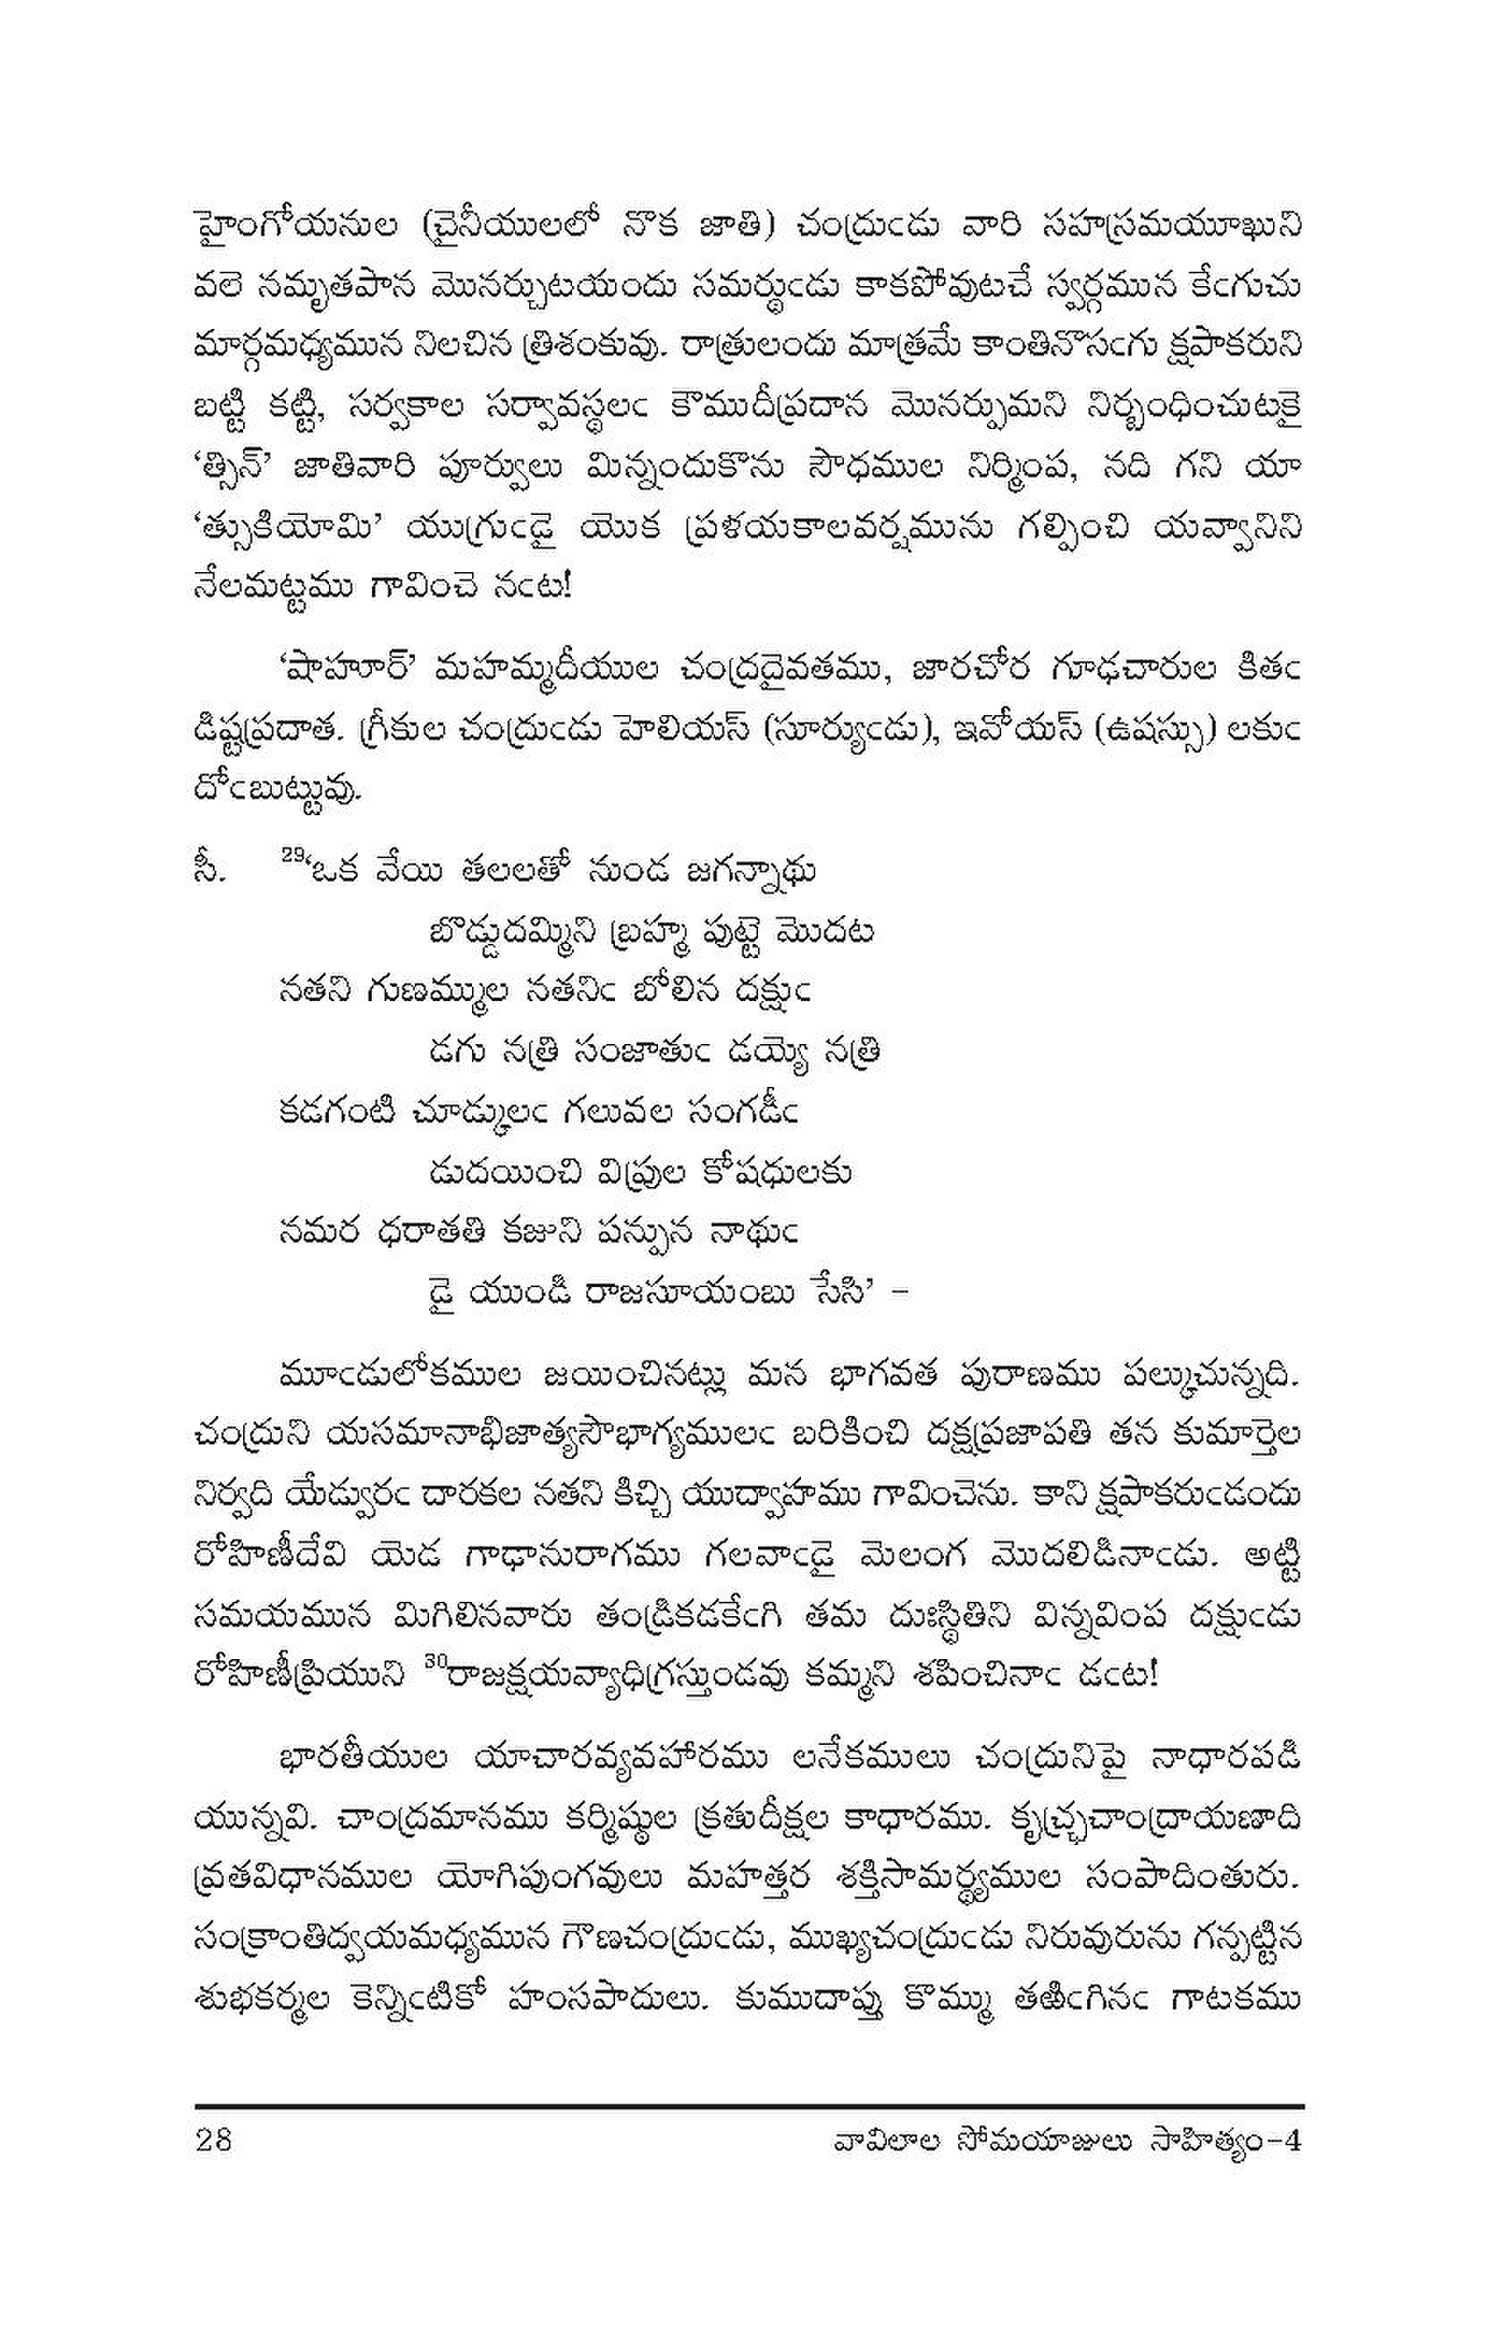హైంగోయనుల (చైనీయులలో నొక జాతి) చంద్రుఁడు వారి సహస్రమయూఖుని
వలె నమృతపాన మొనర్చుటయందు సమర్థుఁడు కాకపోవుటచే స్వర్గమున కేఁగుచు
మార్గమధ్యమున నిలచిన త్రిశంకువు. రాత్రులందు మాత్రమే కాంతినొసఁగు క్షపాకరుని
బట్టి కట్టి, సర్వకాల సర్వావస్థలఁ కౌముదీప్రదాన మొనర్పుమని నిర్బంధించుటకై
'త్సిన్' జాతివారి పూర్వులు మిన్నందుకొను సౌధముల నిర్మింప, నది గని యా
'త్సుకియోమి' యుగ్రుఁడై యొక ప్రళయకాలవర్షమును గల్పించి యవ్వానిని
నేలమట్టము గావించె నఁట!

'షాహూర్' మహమ్మదీయుల చంద్రదైవతము, జారచోర గూఢచారుల కితఁ
డిష్టప్రదాత. గ్రీకుల చంద్రుఁడు హెలియస్ (సూర్యుఁడు), ఇవోయస్ (ఉషస్సు) లకుఁ
దోఁబుట్టువు.

 సీ. ఒక వేయి తలలతో నుండ జగన్నాథు
 బొడ్డుదమ్మిని బ్రహ్మ పుట్టె మొదట
 నతని గుణమ్ముల నతనిఁ బోలిన దక్షుఁ
 డగు నత్రి సంజాతుఁ డయ్యె నత్రి
 కడగంటి చూడ్కులఁ గలువల సంగడీఁ
 డుదయించి విప్రుల కోషధులకు
 నమర ధరాతతి కజుని పన్పున నాథుఁ
 డై యుండి రాజసూయంబు సేసి’ -

మూఁడులోకముల జయించినట్లు మన భాగవత పురాణము పల్కుచున్నది.
చంద్రుని యసమానాభిజాత్యసౌభాగ్యములఁ బరికించి దక్షప్రజాపతి తన కుమార్తెల
నిర్వది యేడ్వురఁ దారకల నతని కిచ్చి యుద్వాహము గావించెను. కాని క్షపాకరుఁడందు
రోహిణీదేవి యెడ గాఢానురాగము గలవాఁడై మెలంగ మొదలిడినాఁడు. అట్టి
సమయమున మిగిలినవారు తండ్రికడకేఁగి తమ దుఃస్థితిని విన్నవింప దక్షుఁడు
రోహిణీప్రియుని రాజక్షయవ్యాధిగ్రస్తుండవు కమ్మని శపించినాఁ డఁట!

భారతీయుల యాచారవ్యవహారము లనేకములు చంద్రునిపై నాధారపడి
యున్నవి. చాంద్రమానము కర్మిష్ఠుల క్రతుదీక్షల కాధారము. కృచ్ఛచాంద్రాయణాది
వ్రతవిధానముల యోగిపుంగవులు మహత్తర శక్తిసామర్థ్యముల సంపాదింతురు.
సంక్రాంతిద్వయమధ్యమున గౌణచంద్రుఁడు, ముఖ్యచంద్రుఁడు నిరువురును గన్పట్టిన
శుభకర్మల కెన్నింటికో హంసపాదులు. కుముదాప్తు కొమ్ము తఱిఁగినఁ గాటకము